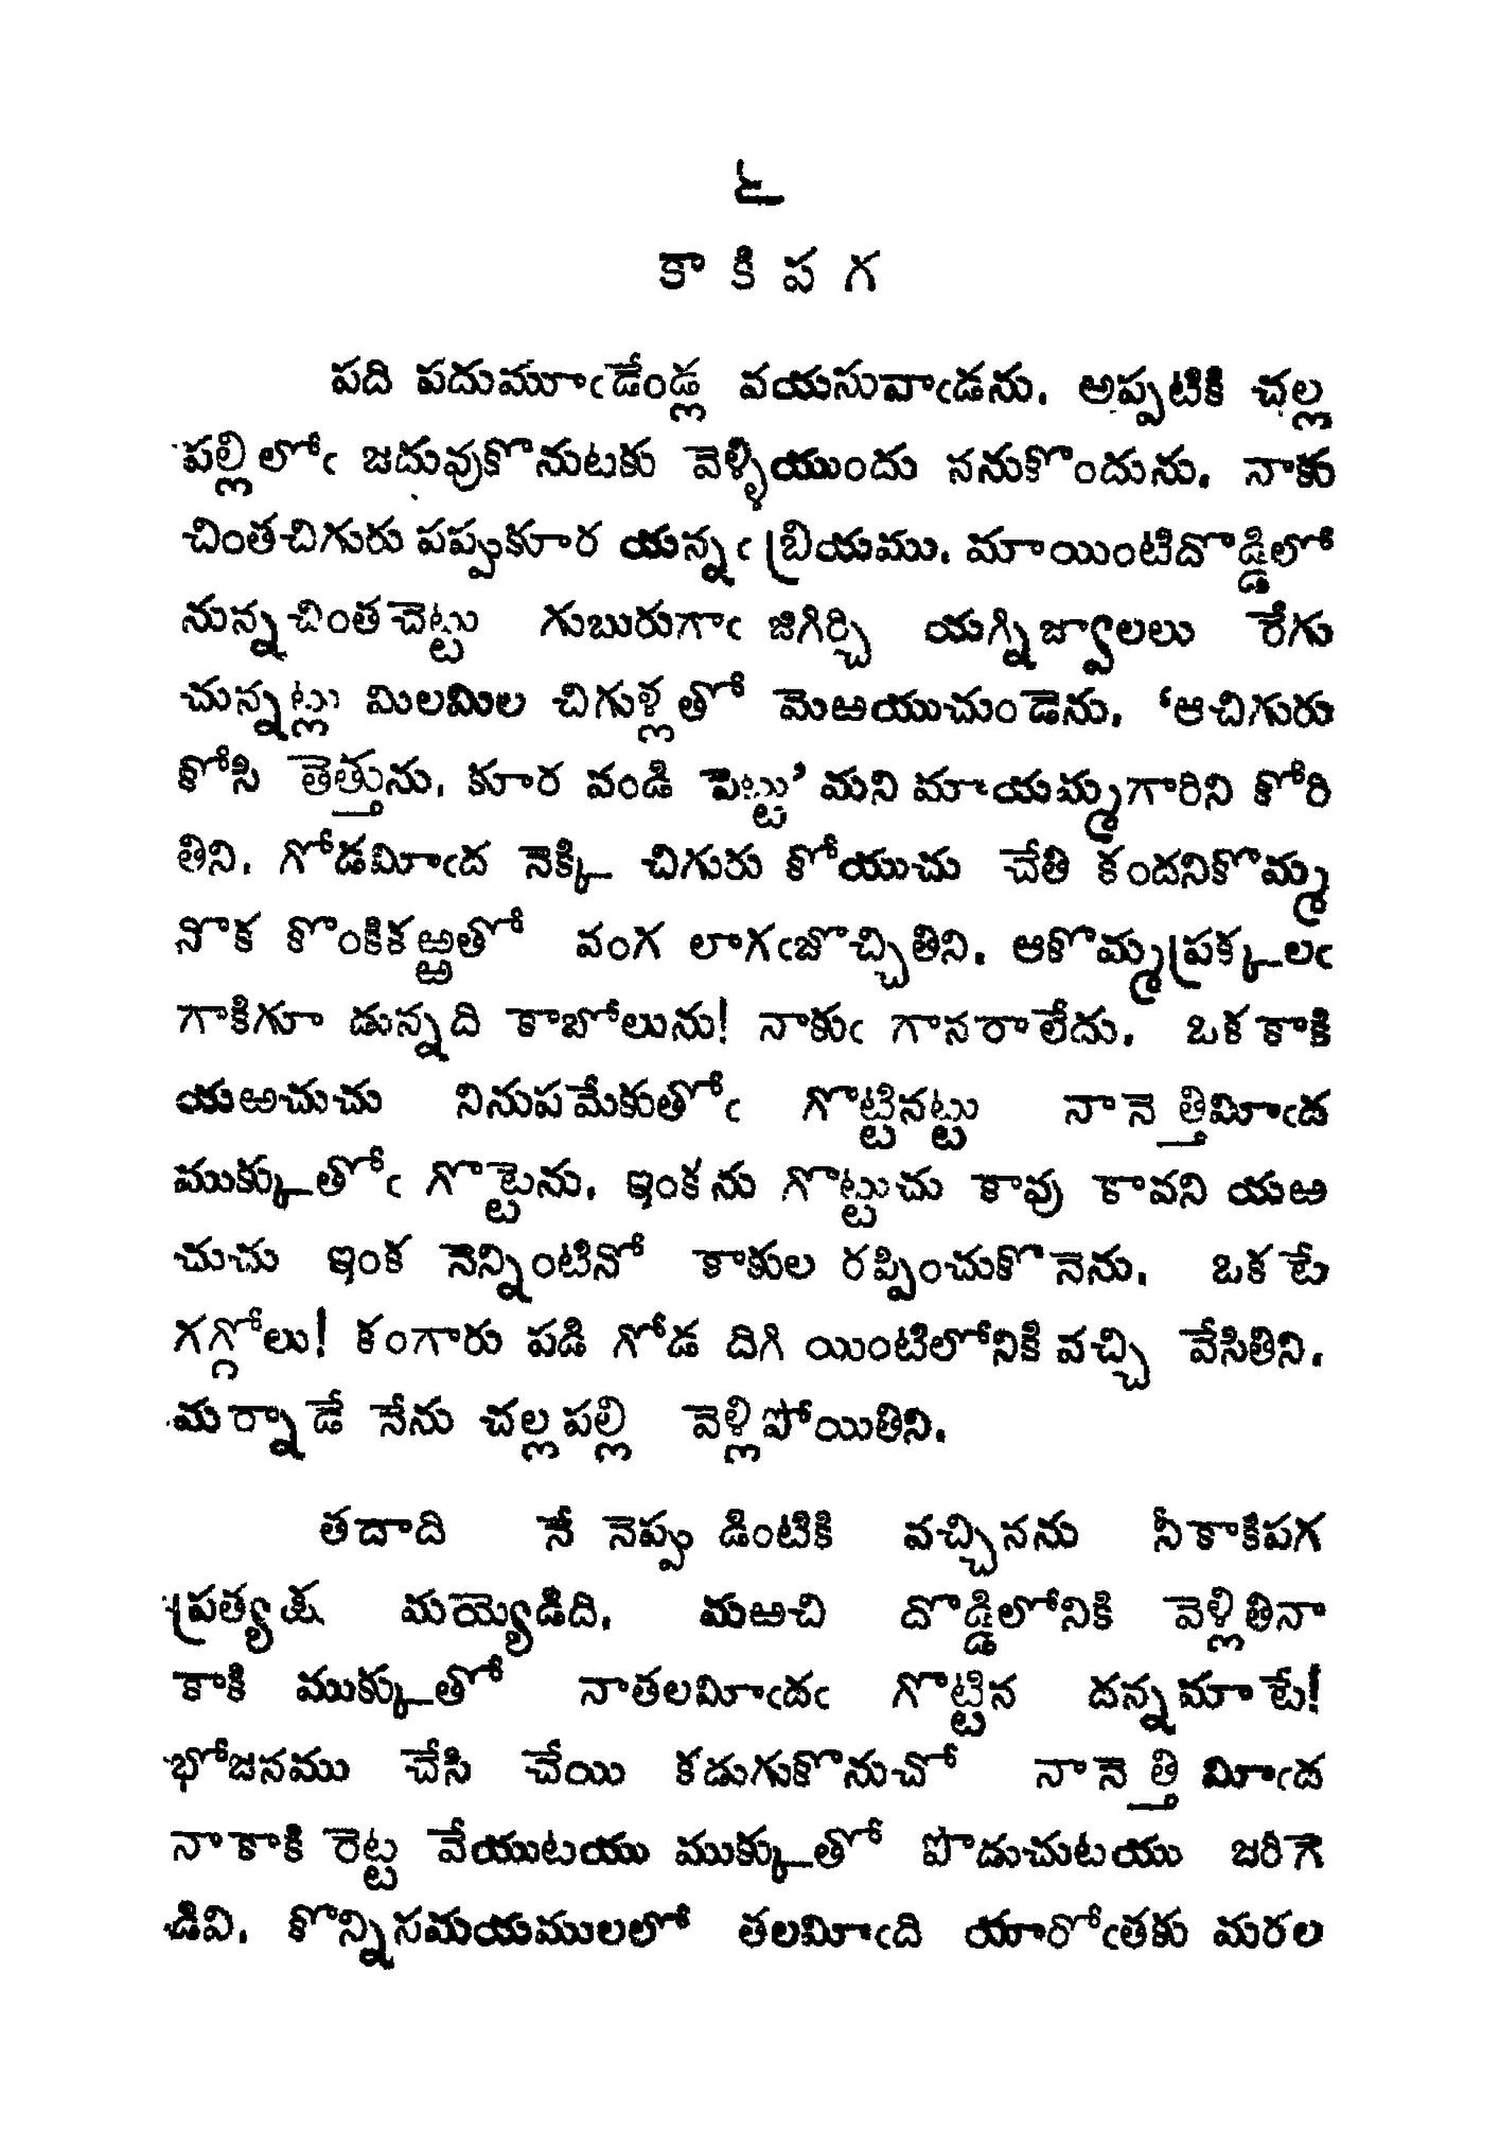పది పదుమూఁడేండ్ల వయసు వాఁ డను. అప్పటికి చల్లపల్లిలోఁ జదువుకొనుటకు వెళ్ళియుందు ననుకొందును. నాకు చింతచిగురు పప్పుకూర యన్నఁ బ్రియము. మా యింటి దొడ్డిలో నున్న చింత చెట్టు గుబురుగాఁ జిగిర్చి యగ్ని జ్వాలలు రేగుచున్నట్లు మిలమిల చిగుళ్ళతో మెఱయూ చుండెను.' ఆ చిగురు కోసి తెత్తును, కూర వండి పెట్టు' మని మాయమ్మగారిని కోరితిని. గోడమీద నెక్కి చిగురు కోయుచు చేతి కందని కొమ్మ నొక కొంకికఱతో వంగ లాగఁ జొచ్చితిని. ఆ కొమ్మ ప్రక్కలఁ గాకిగూ డున్నది కాబోలును! నాకుఁ గానరాలేదు. ఒక కాకి యఱచుచు నినుపమేకుతోఁ గొట్టినట్టు కావు కావని యఱచుచు ఇంక నెన్నింటినో కాకుల రప్పించు కొనెను. ఒకటే గగ్లోలు! కంగారు పడి గోడ దిగి యింటిలోనికి వచ్చి వేసితిని. ఆ మర్నాడే నేను చల్లపల్లి వెళ్ళిపోయితిని.

తదాది నే నెప్పు డింటికి వచ్చినను నీకాకి పగ ప్రత్య క్షమయ్యెడిది. మఱచి దొడ్డిలోనికి వెళ్ళితినా కాకి ముక్కుతో నా తలమీదఁ గొట్టిన దన్నమాటే! భోజనము చేసి చేయి కడుగు కొనుచో నా నెత్తిమీద నా కాకి రెట్ట వేయుటయు ముక్కుతో పోడుచుటయు జరిగెడివి. కొన్ని సమయములో తల మీఁద యారోఁతకు మరల